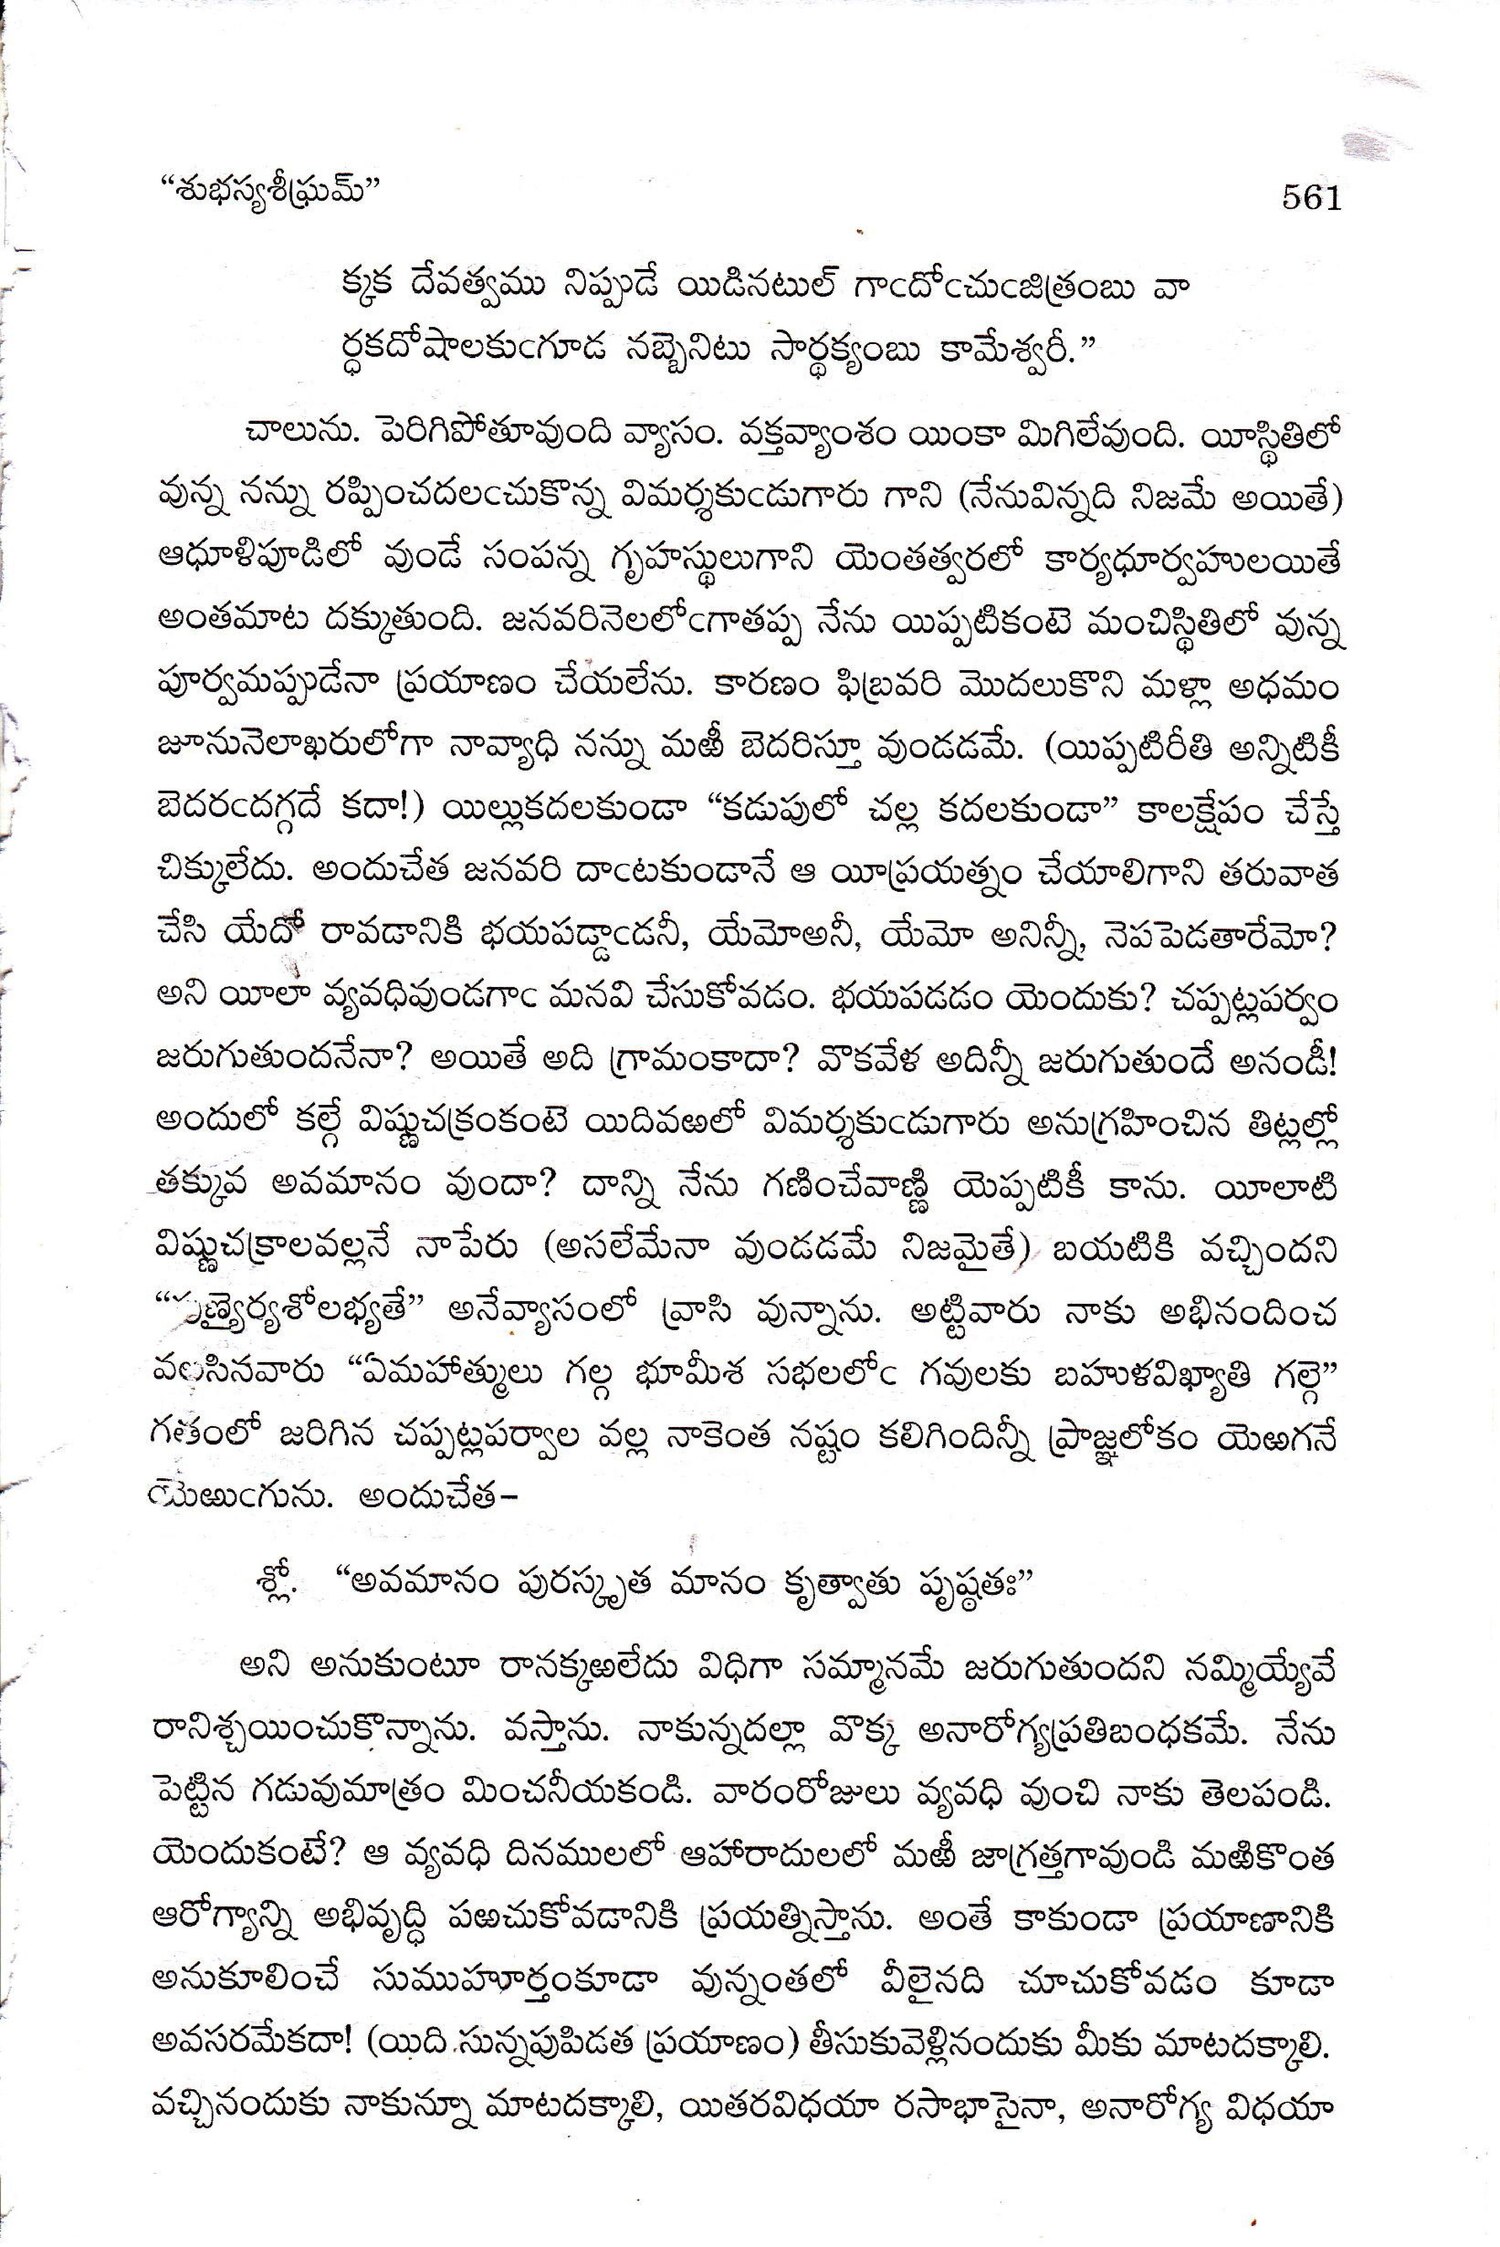క్కక దేవత్వము నిప్పుడే యిడినటుల్ గాఁదోఁచుఁజిత్రంబు వా 
ర్ధకదోషాలకుఁగూడ నబ్బెనిటు సార్థక్యంబు కామేశ్వరీ."
చాలును. పెరిగిపోతూవుంది వ్యాసం. వక్తవ్యాంశం యింకా మిగిలేవుంది. యీస్థితిలో వున్న నన్ను రప్పించదలఁచుకొన్న విమర్శకుఁడుగారు గాని (నేనువిన్నది నిజమే అయితే) ఆధూళిపూడిలో వుండే సంపన్న గృహస్థులుగాని యెంతత్వరలో కార్యధూర్వహులయితే అంతమాట దక్కుతుంది. జనవరినెలలోఁగాతప్ప నేను యిప్పటికంటె మంచిస్థితిలో వున్న పూర్వమప్పుడేనా ప్రయాణం చేయలేను. కారణం ఫిబ్రవరి మొదలుకొని మళ్లా అధమం జూనునెలాఖరులోగా నావ్యాధి నన్ను మఱీ బెదరిస్తూ వుండడమే. (యిప్పటిరీతి అన్నిటికీ బెదరఁదగ్గదే కదా!) యిల్లుకదలకుండా "కడుపులో చల్ల కదలకుండా" కాలక్షేపం చేస్తే చిక్కులేదు. అందుచేత జనవరి దాఁటకుండానే ఆ యీప్రయత్నం చేయాలిగాని తరువాత చేసి యేదో రావడానికి భయపడ్డాఁడనీ, యేమోఅనీ, యేమో అనిన్నీ నెపపెడతారేమో? అని యీలా వ్యవధివుండగాఁ మనవి చేసుకోవడం. భయపడడం యెందుకు? చప్పట్లపర్వం జరుగుతుందనేనా? అయితే అది గ్రామంకాదా? వొకవేళ అదిన్నీ జరుగుతుందే అనండీ! అందులో కల్గే విష్ణుచక్రంకంటె యిదివఱలో విమర్శకుఁడుగారు అనుగ్రహించిన తిట్లల్లో తక్కువ అవమానం వుందా? దాన్ని నేను గణించేవాణ్ణి యెప్పటికీ కాను. యీలాటి విష్ణుచక్రాలవల్లనే నాపేరు (అసలేమేనా వుండడమే నిజమైతే) బయటికి వచ్చిందని “పుణ్యైర్యశోలభ్యతే" అనేవ్యాసంలో వ్రాసి వున్నాను. అట్టివారు నాకు అభినందించ వలసినవారు “ఏమహాత్ములు గల్గ భూమీశ సభలలోఁ గవులకు బహుళవిఖ్యాతి గల్గె" గతంలో జరిగిన చప్పట్లపర్వాల వల్ల నాకెంత నష్టం కలిగిందిన్నీ ప్రాజ్ఞలోకం యెఱగనే యెఱుఁగును. అందుచేత

శ్లో "అవమానం పరస్కృత మానం కృత్వాతు పృష్ఠతః"
అని అనుకుంటూ రానక్కఱలేదు విధిగా సమ్మానమే జరుగుతుందని నమ్మియ్యేవే రానిశ్చయించుకొన్నాను. వస్తాను. నాకున్నదల్లా వొక్క అనారోగ్యప్రతిబంధకమే. నేను పెట్టిన గడువుమాత్రం మించనీయకండి. వారంరోజులు వ్యవధి వుంచి నాకు తెలపండి. యెందుకంటే? ఆ వ్యవధి దినములలో ఆహారాదులలో మఱీ జాగ్రత్తగావుండి మఱికొంత ఆరోగ్యాన్ని అభివృద్ధి పఱచుకోవడానికి ప్రయత్నిస్తాను. అంతే కాకుండా ప్రయాణానికి అనుకూలించే సుముహూర్తంకూడా వున్నంతలో వీలైనది చూచుకోవడం కూడా అవసరమేకదా! (యిది సున్నపుపిడత ప్రయాణం) తీసుకువెళ్లినందుకు మీకు మాటదక్కాలి. వచ్చినందుకు నాకున్నూ మాటదక్కాలి, యితరవిధయా రసాభాసైనా, అనారోగ్య విధయా